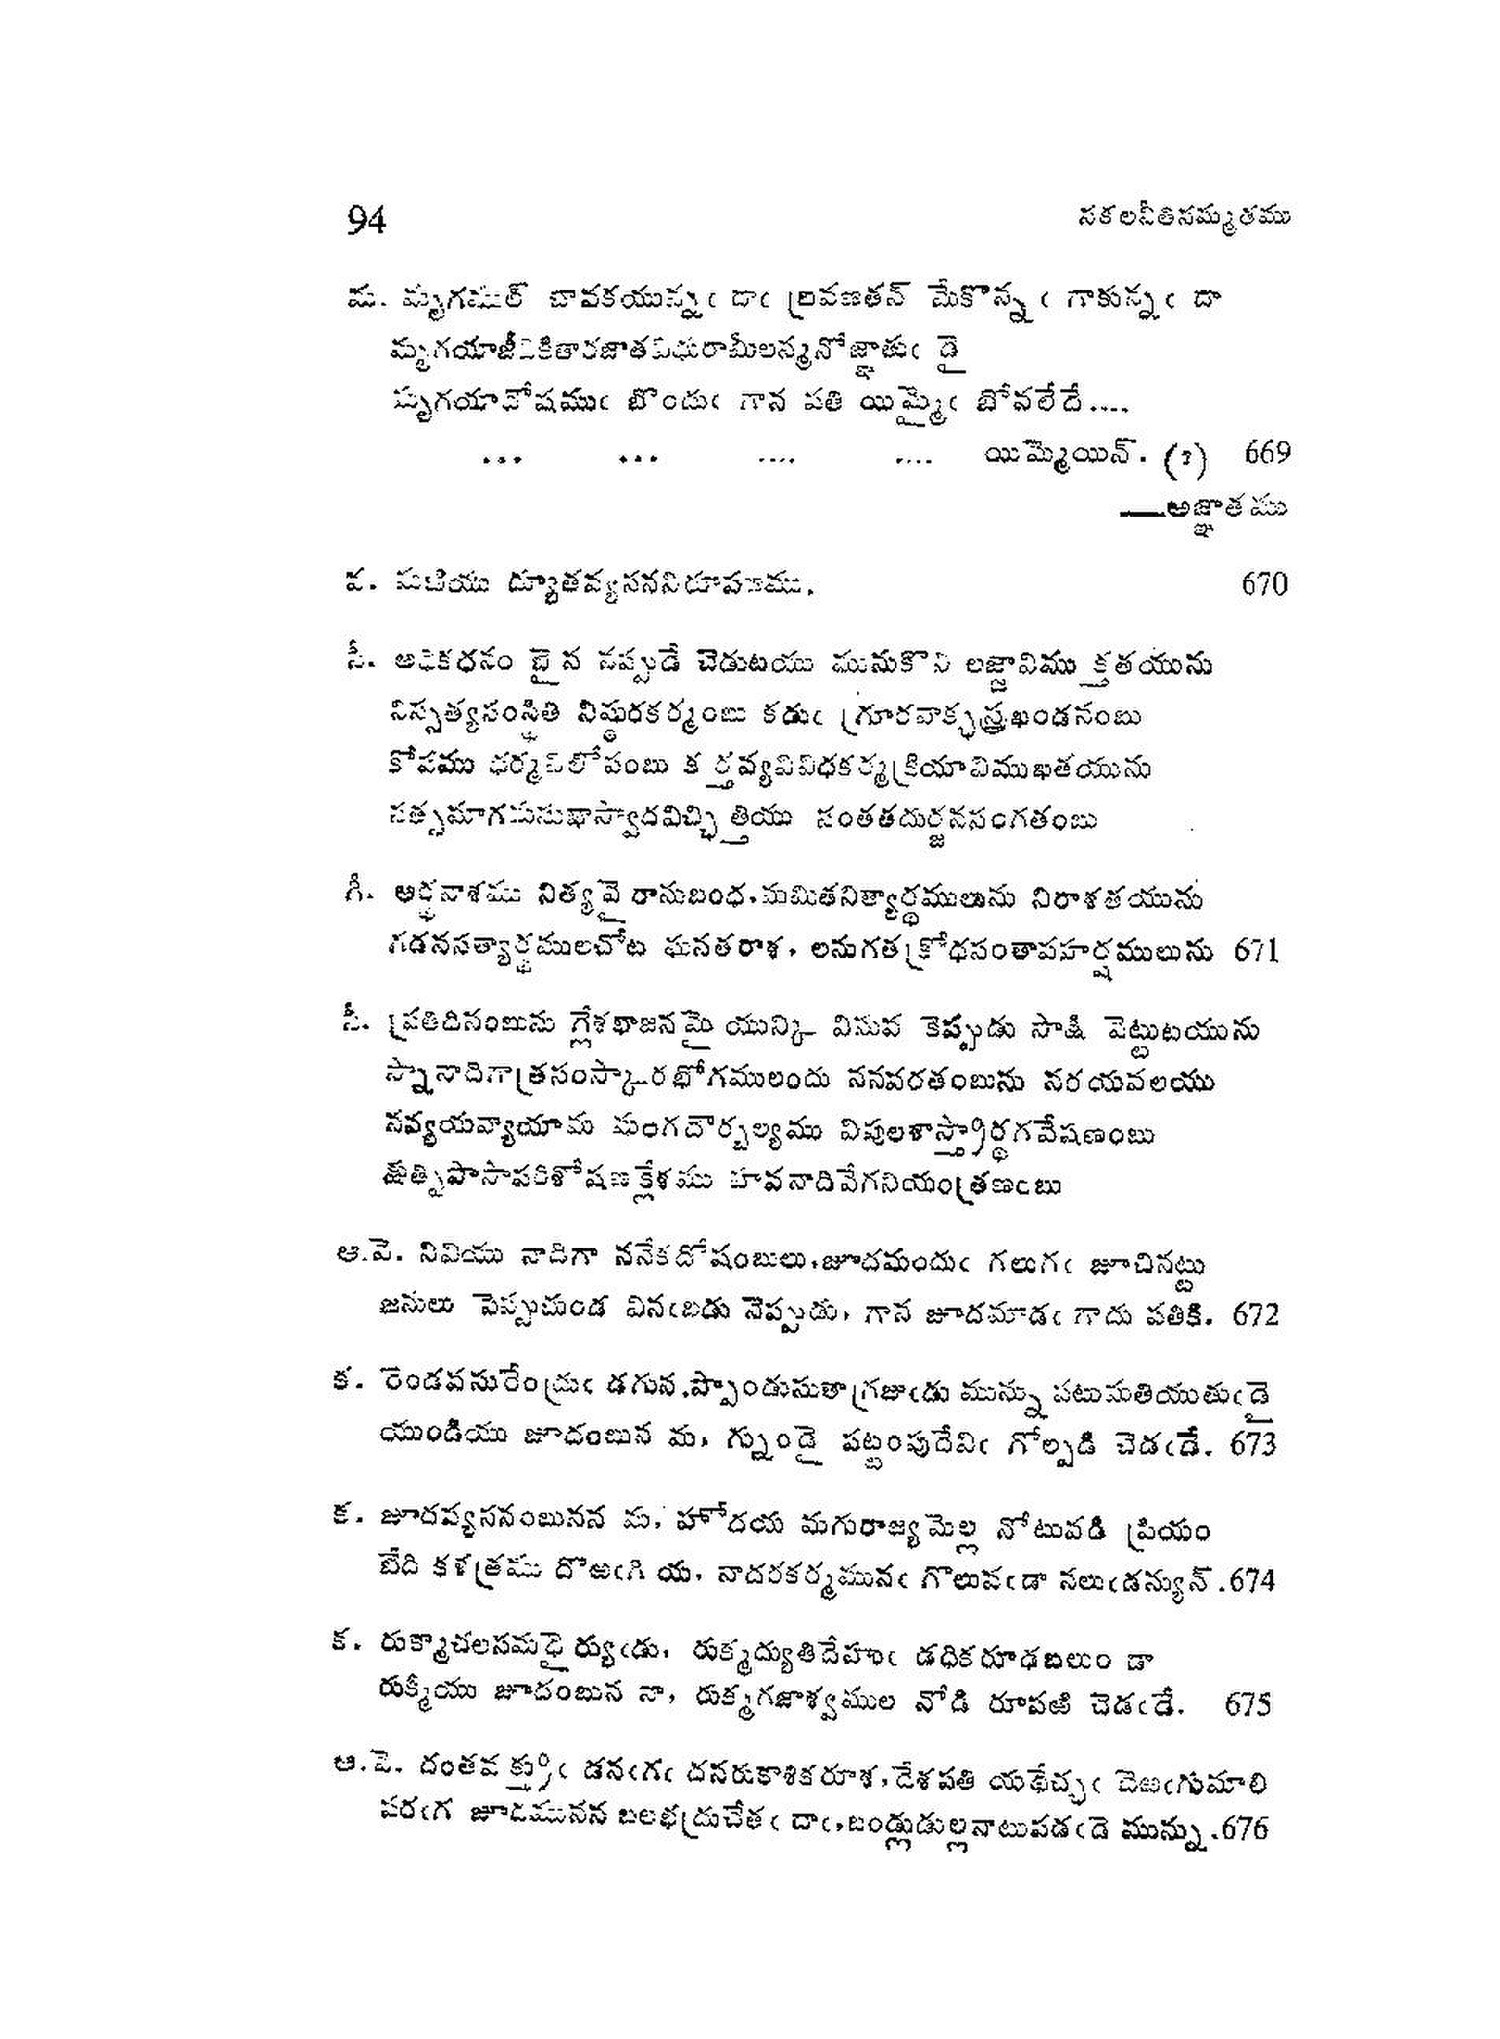మ. మృగముల్ చావకయున్నఁ దాఁ బ్రవణతన్ మేకొన్నఁ గాకున్నఁ దా
మృగయాజీవికితారజాతవిధురామీరన్మనోజ్ఞాతుఁ డై
మృగయాదోషముఁ బొందుఁ గాన పతి యిమ్మైఁ బోవలేదే ...
.............................................యిమ్మెయిన్ (?) 669

వ. మఱియు ద్యూతవ్యసననిరూపణము. 670

సీ. అధికధనం బైన నప్పుడై చెడుటయు
మునుకొని లజ్జావిముక్తతయును
నిస్సత్యసంస్థితి నిష్ఠురకర్మంబు
కడుఁ గ్రూరవాక్ఛస్త్రఖండనంబు
కోపము ధర్మవిలోపంబు కర్తవ్య
వివిధకర్మక్రియావిముఖతయును
సత్సమాగమసుఖాస్వాదవిచ్ఛిత్తియు
సంతతదుర్జనసంగతంబు
గీ. అర్థనాశము నిత్యవైరానుబంధ
మమితనిత్యార్థములును నిరాశతయును
గడనసత్యార్థములచోట ఘనతరాశ
లనుగతక్రోధసంతాపహర్షములను. 671

సీ. ప్రతిదినంబును గ్లేశభాజనమై యున్కి
విసువ కెప్పుడు సాక్షి వెట్టుటయును
స్నానాదిగాత్రసంస్కారభోగములందు
నవరతంబును నరయవలయు
నవ్యయవ్యాయామ మంగదౌర్బల్యము
విపులశాస్త్రార్థగవేషణంబు
క్షుత్పిపాసాపరిశోషణక్లేశము
హవనాదివేగనియంత్రణంబు
ఆ. నివియు నాదిగా ననేకదోషంబులు
జూదమందుఁ గలుగఁ జూచినట్టు
జనులు సెప్పుచుండ వినఁబడు నెప్పుడు
గాన జూదమాడఁ గాదు పతికి. 672

క. రెండవసురేంద్రుఁ డగున
ప్పాండుసుతాగ్రజుఁడు మున్ను పటుమతియుతుఁడై
యుండియు జూదంబున మ
గ్నుండై పట్టంపుదేవిఁ గోల్పడి చెడఁడే. 673

క. జూదవ్యసనంబున మ
హోదయ మగు రాజ్య మెల్ల నోటువడి ప్రియం
బేది కళత్రము దొఱఁగి య
నాదరకర్మమునఁ గొలువఁ డా నలుఁ డన్యున్. 674

క. రుక్మాచలసమధైర్యుఁడు
రుక్మద్యుతిదేహుఁ డధికరూఢబలుం డా
రుక్మియు జూదంబున నా
రుక్మగజాశ్వముల నోడి రూపఱి చెడఁడే. 675

ఆ. దంతవక్త్రుఁ డనఁగఁ దనరు కాశికరూశ
దేశపతి యథేచ్ఛఁ దెఱఁగుమాలి
పరఁగ జూదమునను బలభద్రుచేతఁ దా
బండ్లు డుల్లనాటుపడఁడె మున్ను. 676